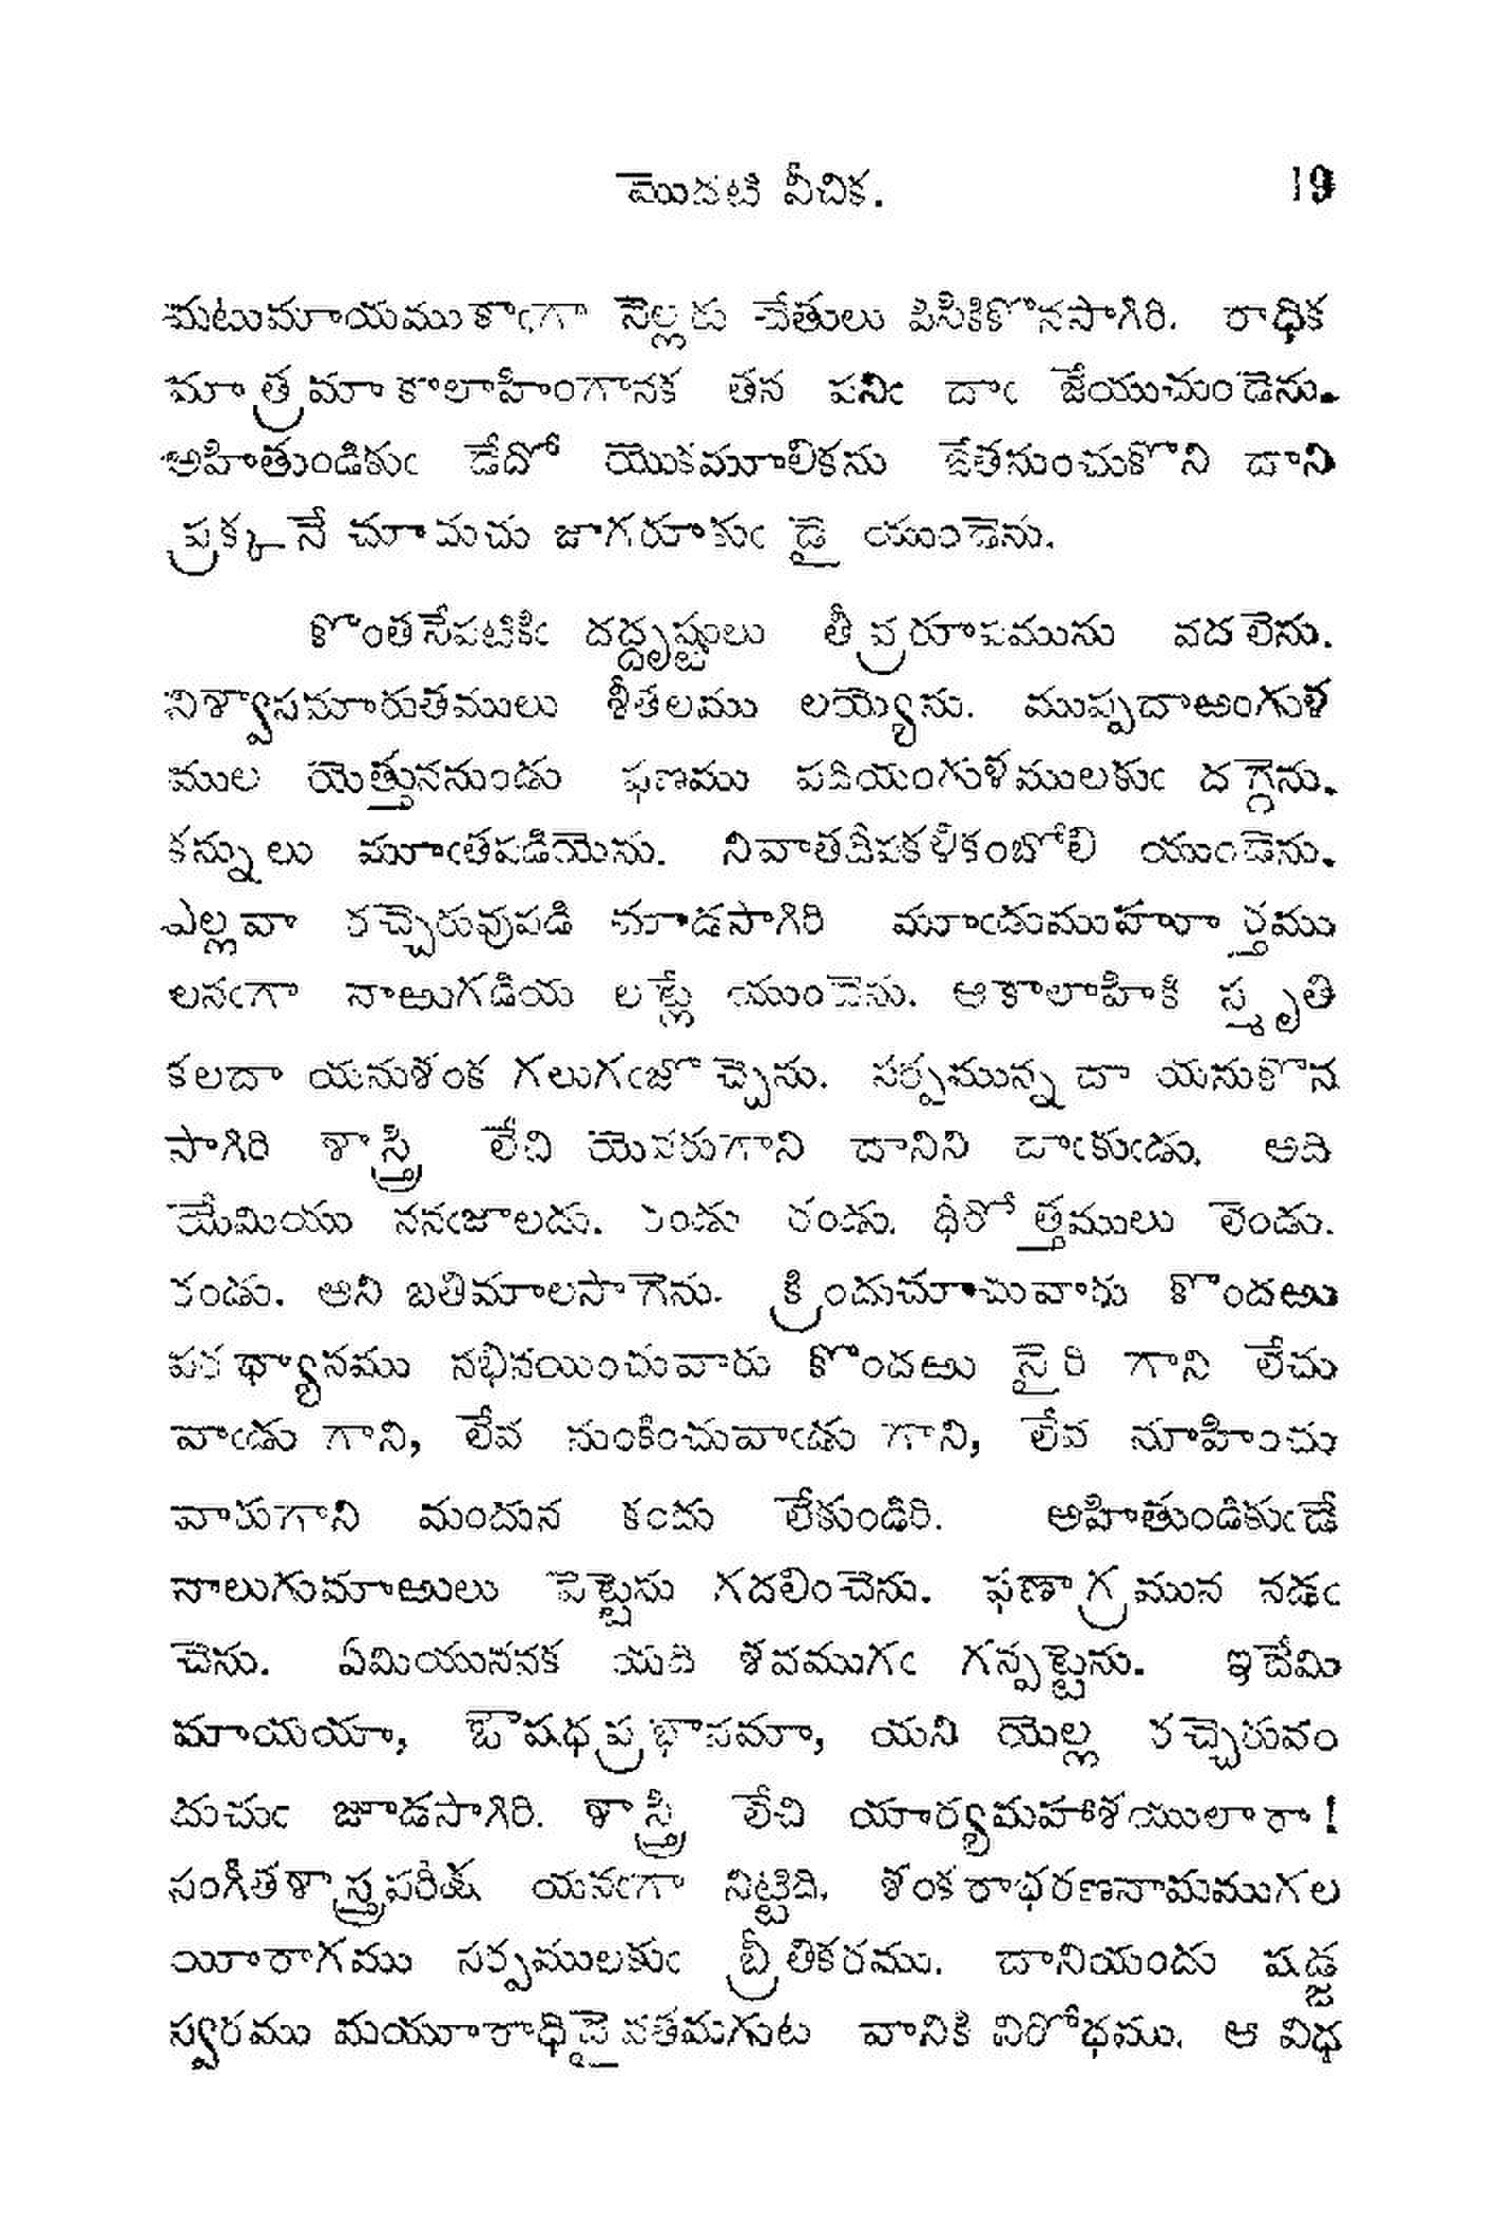మటుమాయము కాగా నెల్లరు చేతులు పిసికి కొనసాగిరి. రాధిక మాత్ర మా కాలాహింగానక తన పని దాఁ జేయుచుండెను. అహితుండికుఁ డేదో యొకమూలికను జేతనుంచుకొని దాని ప్రక్కనే చూ చుచు జాగరూకుఁ డై యుండెను.

కొంత సేపటికిఁ దద్దృషులు తీవ్ర రూపమును వదలేను. నిశ్వాసమారుతములు శీతలము లయ్యెను. ముష్పదాఱంగుళ ముల యెత్తుననుండు ఫణము పదియంగుళములకుఁ దగ్లెను, కన్నులు మూఁతపడియెను. నివాత దీవకళికంబోలి యుండెను, ఎల్లవా రచ్చెరువుపడి చూడసాగిరి మూడుముహూర్తము లనఁగా నాఱుగడియ లట్లే యుండెను. ఆకాలాహికి సృతి కలదా యనుశంక గలుగఁజొ చ్చెను. సర్పమున్న దా యనుకొన సాగిరి శాస్త్రి లేచి యెవరుగాని దానిని దాఁకుఁడు, అది 'యేమియు ననఁజాలదు. రండు రండు. ధీరోత్తములు లెండు. రండు. అని బతిమాలసాగెను. కిందుచూచువారు కొందఱు పర ధ్యానము నభినయించువారు కొందఱు నైరి గాని లేచు వాఁడు గాని, లేవ నుంకించువాఁడు గాని, లేవ నూహించు వారుగాని మందున కందు లేకుండిరి. అహితుండికుఁడే నాలుగుమాఱులు పెట్టెను గదలించెను. ఫణాగ్రమున నడఁ చెను. ఏమియుననక యది శవముగఁ గన్పట్టెను. ఇదేమి మాయయా, ఔషధ ప్రభావమా, యని యేల్ల రచ్చెరువం దుచుఁ జూడసాగిరి. శాస్త్రీ, లేచి యార్యమహాశయులారా! సంగీతశాస్త్ర పరీక్ష యనఁగా నిట్టిది, శంకరాభరణ నామముగల యీ రాగము సర్పములకుఁ బ్రీతికరము. దానియందు షడ్జ స్వరము మయూరాధిదైవతమగుట వానికి విరోధము. ఆ విధ